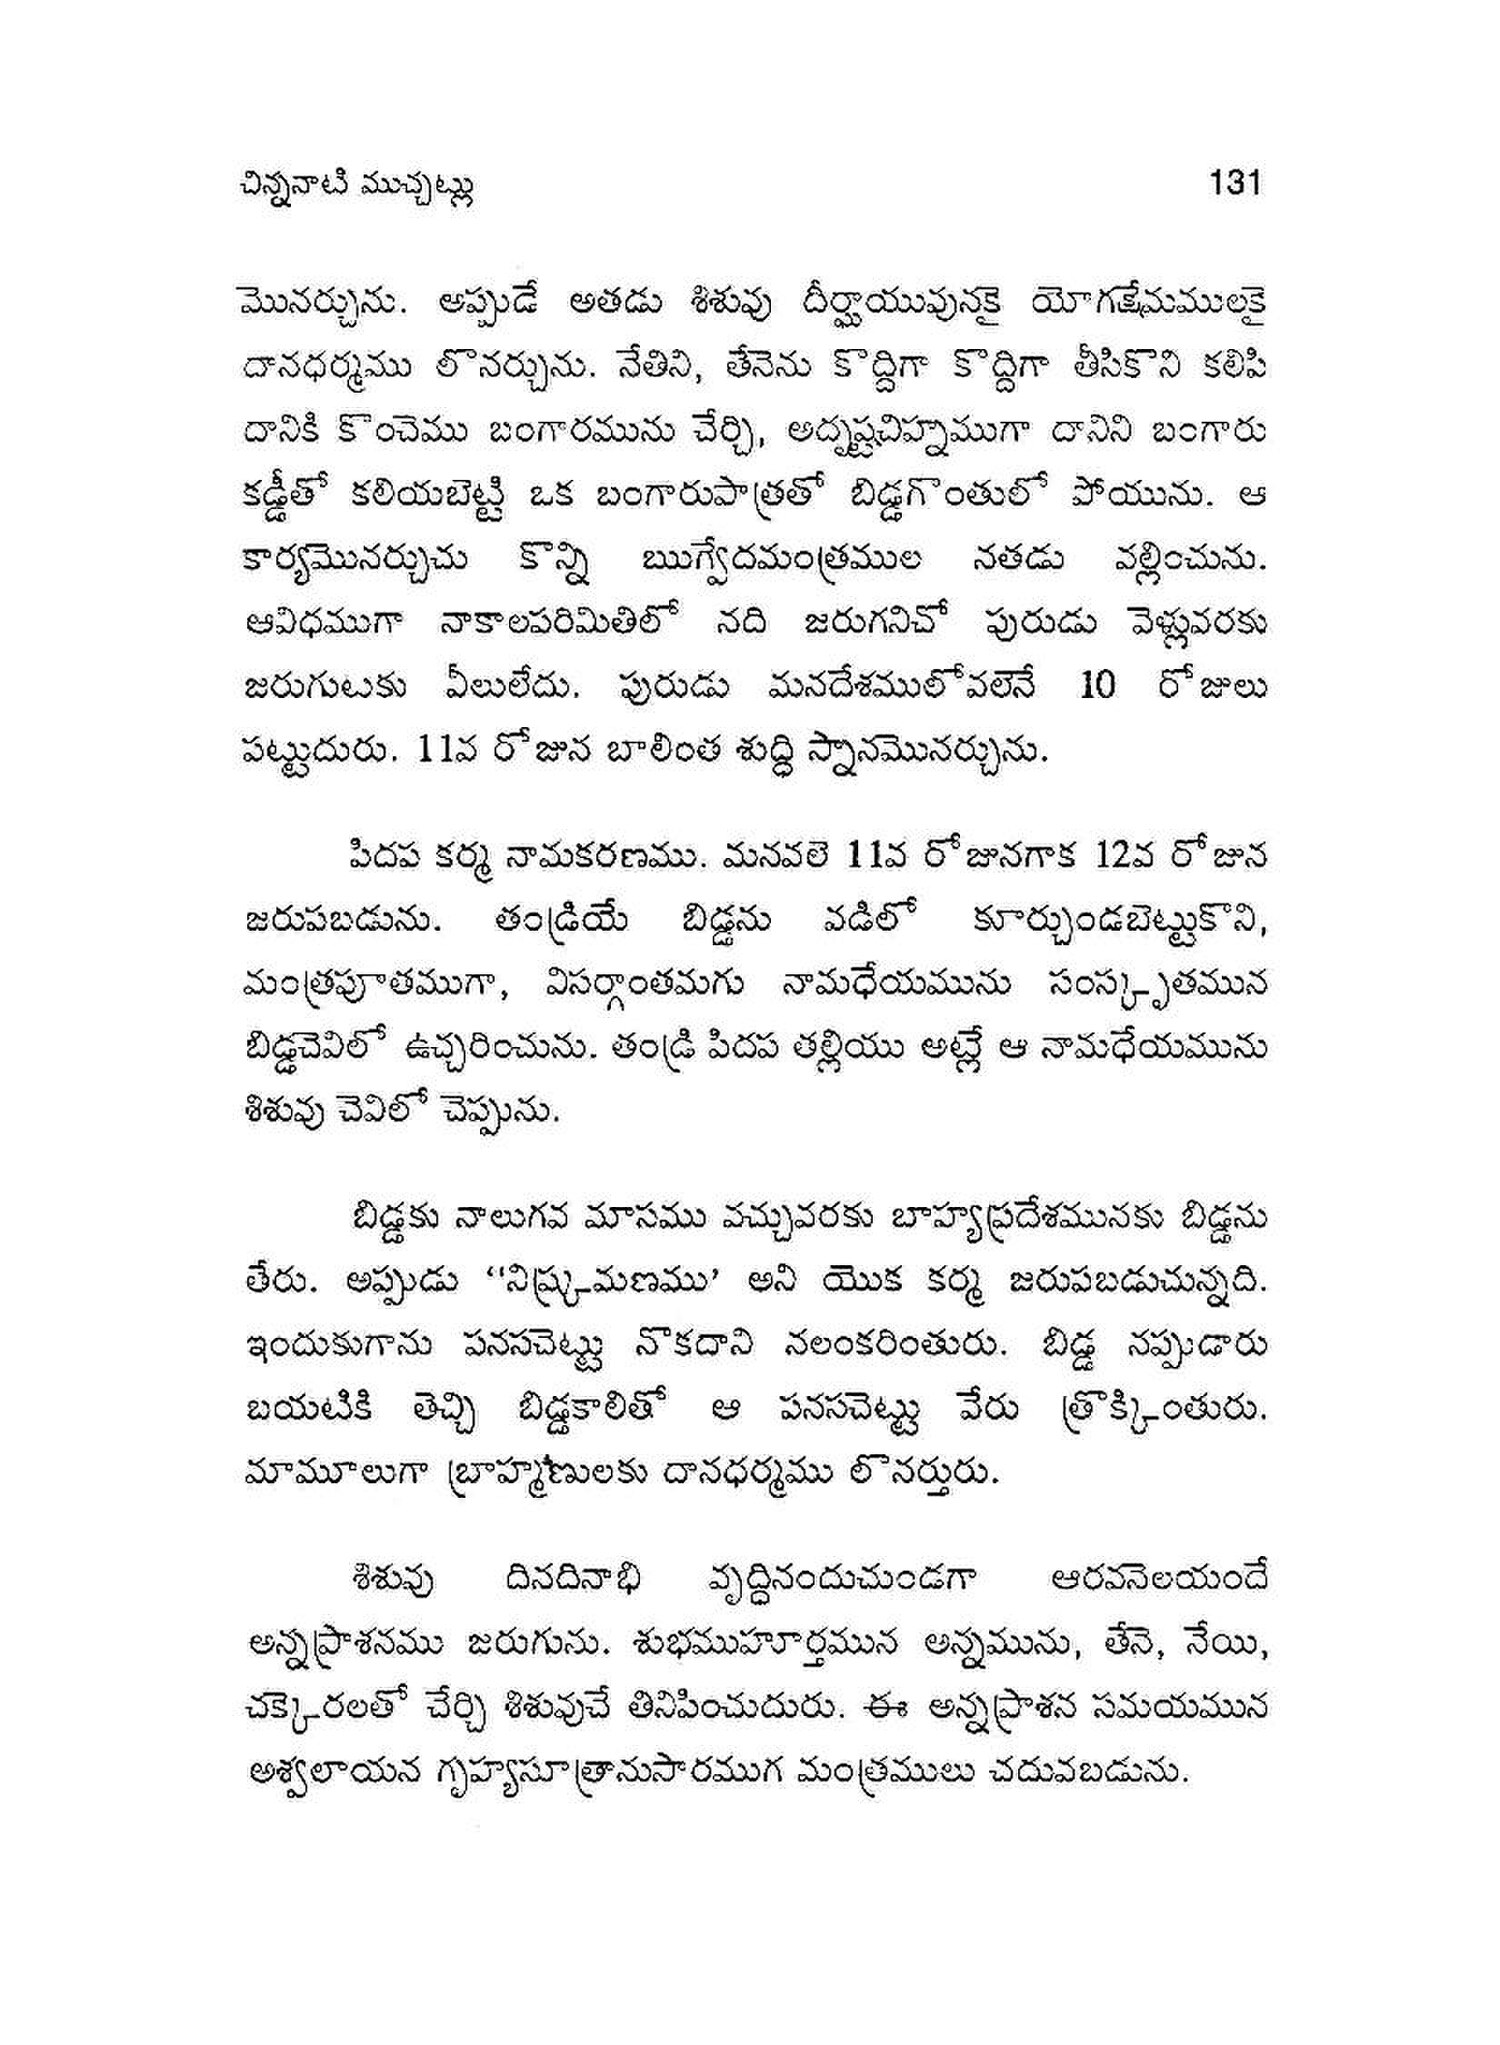మొనర్చును. అప్పడే అతడు శిశువు దీర్ఘాయువునకై యోగక్షేమములకై దానధర్మము లొనర్చును. నేతిని, తేనెను కొద్దిగా కొద్దిగా తీసికొని కలిపి దానికి కొంచెము బంగారమును చేర్చి, అదృష్టచిహ్నముగా దానిని బంగారు కడ్డీతో కలియబెట్టి ఒక బంగారుపాత్రతో బిడ్డగొంతులో పోయును. ఆ కార్యమొనర్చుచు కొన్ని ఋగ్వేదమంత్రముల నతడు వల్లించును. ఆవిధముగా నాకాలపరిమితిలో నది జరుగనిచో పురుడు వెళ్లువరకు జరుగుటకు వీలులేదు. పురుడు మనదేశములోవలెనే 10 రోజులు పట్టుదురు. 11వ రోజున బాలింత శుద్ధి స్నానమొనర్చును.

పిదప కర్మ నామకరణము. మనవలె 11వ రోజునగాక 12వ రోజున జరుపబడును. తండ్రియే బిడ్డను వడిలో కూర్చుండబెట్టుకొని, మంత్రపూతముగా, విసర్గాంతమగు నామధేయమును సంస్కృతమున బిడ్డచెవిలో ఉచ్చరించును. తండ్రి పిదప తల్లియు అట్లే ఆ నామధేయమును శిశువు చెవిలో చెప్పును.

బిడ్డకు నాలుగవ మాసము వచ్చువరకు బాహ్యప్రదేశమునకు బిడ్డను తేరు. అప్పడు 'నిష్క్రమణము' అని యొక కర్మ జరుపబడుచున్నది. ఇందుకుగాను పనసచెట్టు నొకదాని నలంకరింతురు. బిడ్డ నప్పుడారు బయటికి తెచ్చి బిడ్డకాలితో ఆ పనసచెట్టు వేరు తొక్కింతురు. మామూలుగా బ్రాహ్మణులకు దానధర్మము లొనర్తురు.

శిశువు దినదినాభి వృద్దినందుచుండగా ఆరవనెలయందే అన్నప్రాశనము జరుగును. శుభముహూర్తమున అన్నమును, తేనె, నేయి, చక్కెరలతో చేర్చి శిశువుచే తినిపించుదురు. ఈ అన్నప్రాశన సమయమున అశ్వలాయన గృహ్యసూత్రానుసారముగ మంత్రములు చదువబడును.